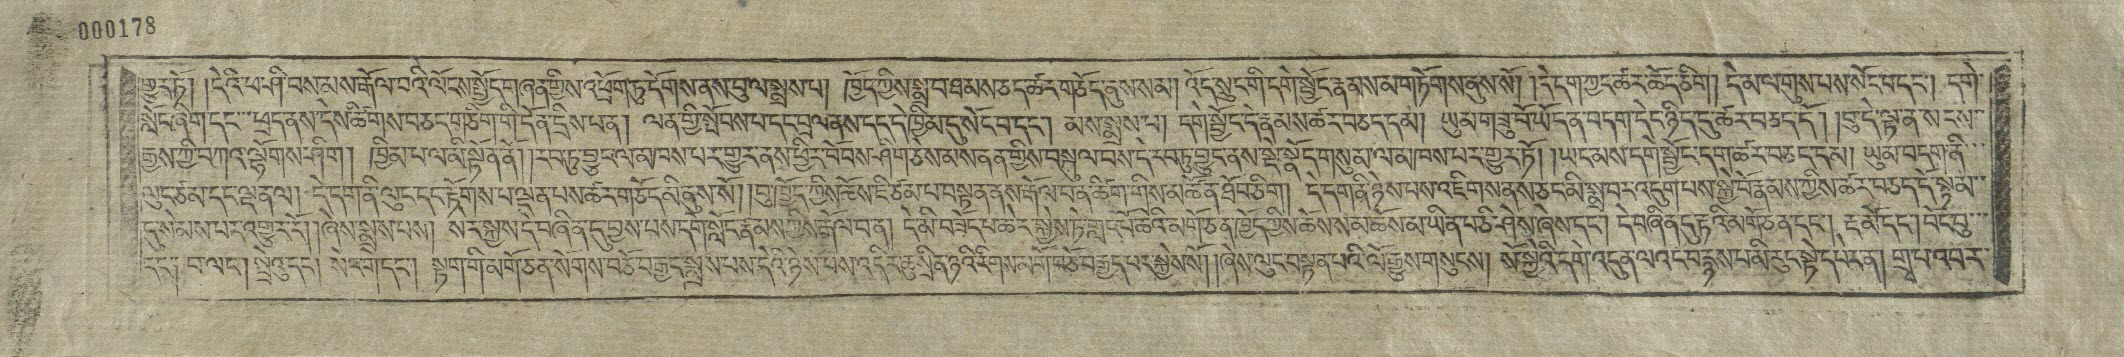གྱུར་ཏོ། །དེའི་ཕ་ཤི་བསམས་རྒོལ་བའི་ལོངས་སྤྱོད་གཞན་གྱིས་འཕྲོག་ཏུ་དོགས་ནས་བུ་ལ་སྨྲས་པ། ཁྱོད་ཀྱིས་སྨྲ་བ་ཐམས་ཅད་ཚར་གཅོད་ནུས་སམ། འོད་སྲུང་གི་དགེ་སྦྱོང་རྣམས་མ་གཏོགས་ནུས་སོ། །དེ་དག་ཀྱང་ཚར་ཆོད་ཅིག ། དེ་མ་ལ་གུས་པས་སོང་བ་དང་། དགེ་
སློང་ཞིག་དང་ཕྲད་ནས་དེས་ཚིགས་བཅད་གཅིག་གི་དོན་དྲིས་པ་ན། ལན་གྱི་སྤོབས་པ་དང་བྲལ་ནས་དད་དེ་ཁྱིམ་དུ་སོང་བ་དང་། མས་སྨྲས་པ། དགེ་སྦྱོང་དེ་རྣམས་ཚར་བཅད་དམ། ཡུམ་གཟུ་བོ་ཡོད་ན་བདག་དེང་ཉིད་དུ་ཚར་བཅད་དོ། །བུ་དེ་ལྟ་ན་སངས་
རྒྱས་ཀྱི་བཀའ་ལྷོགས་ཤིག །ཁྱིམ་པ་ལ་མི་སྟོན་ནོ། །རབ་ཏུ་བྱུང་ལ་མཁས་པར་གྱུར་ནས་ཕྱིར་བོབས་ཤིག་ཅེས་མས་ནན་གྱིས་བསྐུལ་བས་དེ་རབ་ཏུ་བྱུང་ནས་སྡེ་སྣོད་གསུམ་ལ་མཁས་པར་གྱུར་ཏོ། །ཡང་མས་དགེ་སྦྱོང་དག་ཚར་བཅད་དམ། ཡུམ་བདག་ནི་
ལུང་ཙམ་དང་ལྡན་ལ། དེ་དག་ནི་ལུང་དང་རྟོགས་པ་ལྡན་པས་ཚར་གཅོད་མི་ནུས་སོ། །བུ་ཁྱོད་ཀྱིས་ཆོས་ཇི་ཙམ་པ་བསྟན་ནས་རྒོལ་བ་ན་ཚིག་གིས་མཚོན་ཐོབ་ཅིག །དེ་དག་ནི་ཉེས་པས་འཇིགས་ནས་ཅང་མི་སྨྲ་བར་འདུག་པས་སྐྱེ་བོ་རྣམས་ཀྱིས་ཚར་བཅད་དོ་སྙམ་
དུ་སེམས་པར་འགྱུར་རོ། །ཞེས་སྨྲས་པས། སེར་སྐྱས་དེ་བཞིན་དུ་བྱས་པས་དགེ་སློང་རྣམས་ཀྱིས་རྒོལ་བ་ན། དེ་མི་བཟོད་པ་ཆེར་སྐྱེས་ཏེ་གླང་པོ་ཆེའི་མགོ་ཅན་ཁྱོད་ཀྱིས་ཆོས་སམ་ཆོས་མ་ཡིན་པ་ཅི་ཤེས་ཞེས་དང་། དེ་བཞིན་དུ་རྟའི་མགོ་ཅན་དང་། རྔ་མོ་དང་། བོང་བུ་
དང༑ བ་ལང་། སྤྲེའུ་དང་། སེང་གེ་དང་། སྟག་གི་མགོ་ཅན་སོགས་བཅོ་བརྒྱད་སྨྲས་པས་དེའི་ཉེས་པས་འདིར་ཆུ་སྲིན་ཉའི་རིགས་མགོ་བཅོ་བརྒྱད་པར་སྐྱེས་སོ། །ཞེས་ལུང་བསྟན་པའི་ལོ་རྒྱུས་གསུངས། སོ་སྐྱེའི་དགེ་འདུན་ལའང་བརྙས་པ་མི་རུང་སྟེ་དཔེར་ན། གྲྭ་པ་འབར་